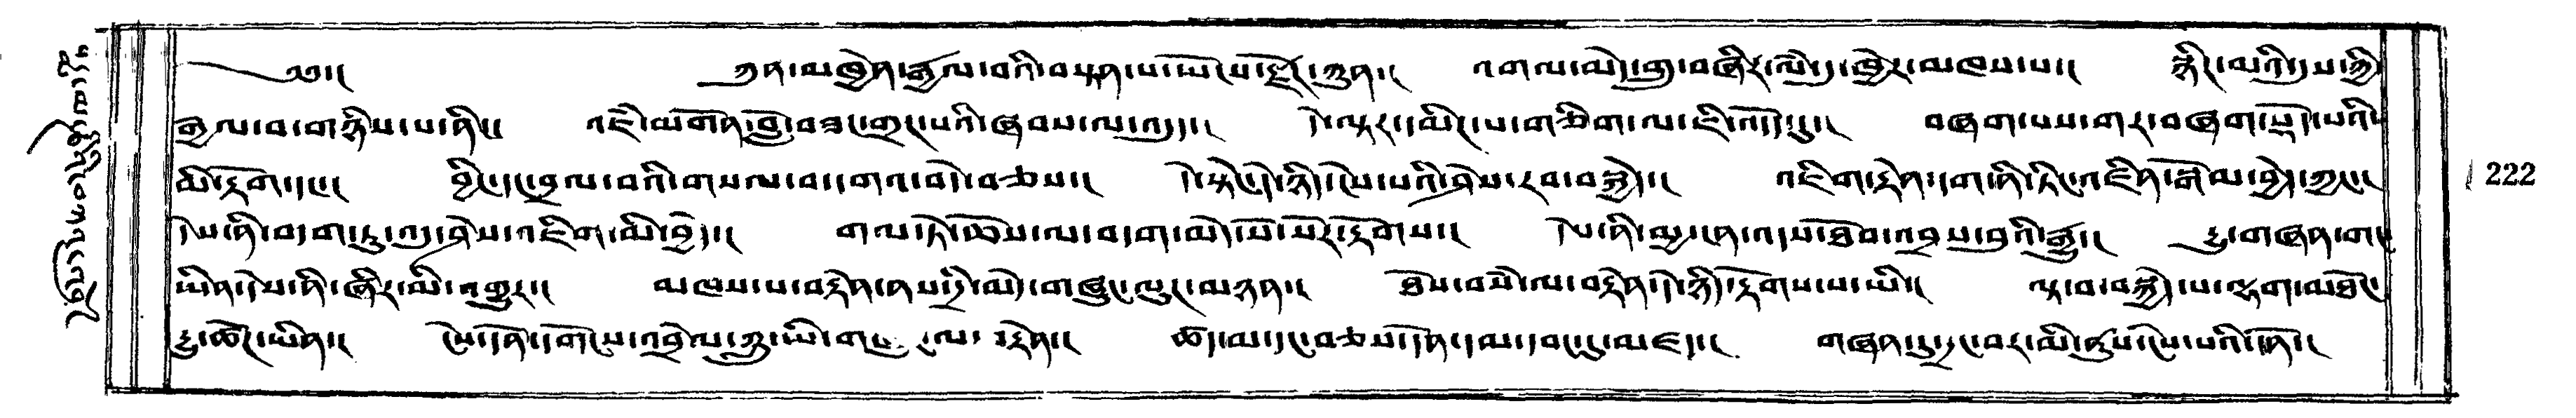ཀུན་མཁྱེན་རྒྱལ་བའི་བསྟན་པ་ཡོངས་རྫོགས་ཀུན། །འགལ་མཻད་གྲུ་བཞིའི་ལམ་དུ་ཁྱེར་མཁས་པ། །སྙིགས་མའི་དུས་ཀྱི་
རྒྱལ་བ་གཉིས་པ་ནི། །འཇམ་མགོན་བློ་བཟང་གྲགས་པའི་ཞབས་ལ་འདུད། །དེ་ལྟར་དམིགས་པ་གཅིག་ལ་ཇི་འདོད་དུ། །བཞག་པས་གར་བཞག་སྡོད་པའི་
མི་རྟོག་དང་། །བྱིང་དང་བྲལ་བའི་གསལ་བ་དགའ་བདེ་བཅས། །དེ་སྟེང་དེ་ཉིད་ངེས་པའི་ཤེས་རབ་བསྐྱེད། །འཇིག་རྟེན་དག་ནི་ཏིང་འཛིན་སྒོམ་བྱེད་ཀྱང་། །
དེས་ནི་བདག་ཏུ་འདུ་ཤེས་འཇིག་མི་བྱེད། །གལ་ཏེ་ཆོས་ལ་བདག་མཻད་སོ་སོར་རྟོགས། །དེས་ནི་མྱ་ངན་འདས་ཐོབ་འབྲས་བུའི་རྒྱུ། །རྒྱུ་གཞན་གང་
ཡིན་དེས་ནི་ཞིར་མི་འགྱུར། །མཁས་པ་བསྟེན་ནས་དྲི་མེད་གཞུང་ལུགས་མཉན། །ཐོས་བསམ་ལ་བརྟེན་དེ་ཉིད་རྟོགས་པ་ཡི། །ལྟ་བ་བསྐྱེད་པ་ལྷག་མཐོང་
རྒྱུ་ཚོགས་ཡིན། །ངེས་དོན་དགོངས་འགྲེལ་ཀླུ་ཡི་གཞུང་ལ་བརྟེན། །ཚད་མ་དང་བཅས་དོན་དམ་དབང་དུ་མཛད། །གཞན་དུ་དྲང་བར་མི་ནུས་ངེས་པའི་དོན། །